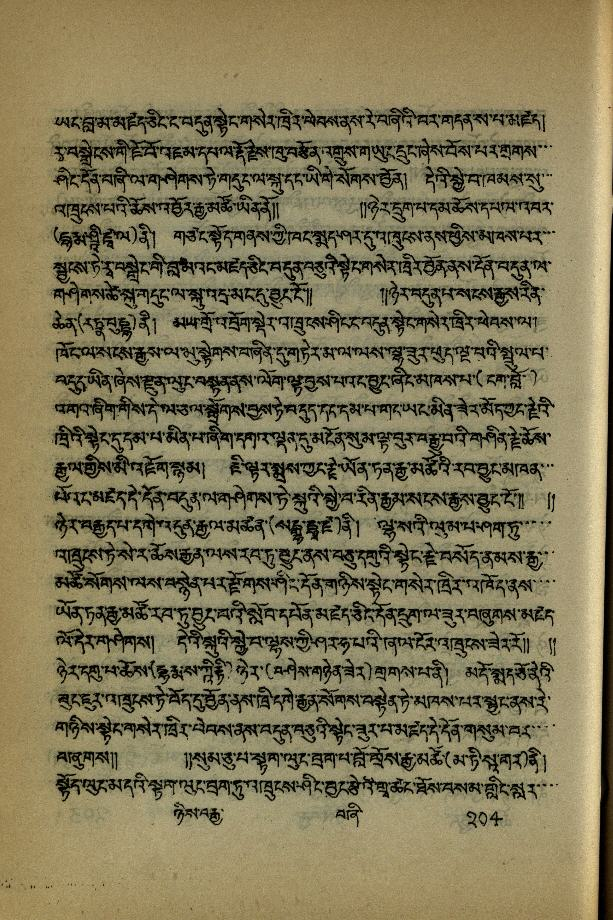ཡང་བླ་མ་མཛད་ཅིང་ང་བདུན་སྟེང་གསེར་ཁྲིར་ཕེབས་ནས་རེ་བཞིའི་བར་གདན་ས་པ་མཛད།
རྭ་བསྒྲེངས་གི་ཇོ་བོ་འཇམ་དཔལ་རྡོ་རྗེས་ཁུ་བརྩོན་འགྲུས་གཡུང་དྲུང་ཞེས་བོས་པར་གྲགས་
ཤིང་དོན་བཞི་ལ་གཤེགས་ཏེ་གདུང་ལ་སྐུ་དང་ཡི་གེ་སོགས་བྱོན། དེའི་སྐྱེ་བ་ཁམས་སུ་
འཁྲུངས་པའི་ཆོས་འབྱོར་རྒྱ་མཚོ་ཡིན་ནོ།། །།ཉེར་དྲུག་པ་དམ་ཆོས་དཔལ་འབར་
དྷརྨ་ཤྲཱི་ཛྭ་ལ་ནི། གཙང་སྟོད་གནས་ཀྱི་ཁང་སྨད་ཤར་དུ་འཁྲུངས་ནས་ཕྱིས་མཁས་པར་
སྦྱངས་ཏེ་རྭ་བསྒྲེང་གི་བླ་མའང་མཛད་ཅིང་བདུན་བཅུའི་སྟེང་གསེར་ཁྲིར་བྱོན་ནས་དོན་བདུན་ལ་
གཤེགས་ཚེ་སྐུ་གདུང་ལ་སྐུ་འདྲ་མང་དུ་བྱུང་ངོ།། ། །ཉེར་བདུན་པ་སངས་རྒྱས་རིན་
ཆེན་རཏྣ་བུདྡྷ་ནི། མ་འགྲོ་འབྲོག་སྡེར་འཁྲུངས་ཤིང་ང་བདུན་སྟེང་གསེར་ཁྲིར་ཕེབས་ལ།
ཁོང་ལ་སངས་རྒྱས་ལ་མུ་སྟེགས་བཞིན་དུ་གཏེར་མ་ལ་ལས་ལྷ་ཟུར་ཕུད་ལྔ་བའི་སྤྲུལ་པ་
བདུད་ཡིན་ཞེས་རྫུན་ལུང་བསྟན་ནས་ལོག་ལྟ་བྱས་པའང་བྱུང་ཞིང་མཁས་པ་ངག་བློ
འགའ་ཞིག་གིས་དེ་ལ་ཅལ་སྒྲོགས་བྱས་ཏེ་བདུད་དང་དམ་པ་གང་ཡང་མིན་ཟེར་མོད་ཀྱང་རྗེའི་
ཁྲིའི་སྟེང་དུ་དམ་པ་མིན་པ་ཞིག་དགའ་ལྡན་དུ་མངོན་སུམ་ལྟ་བུར་བརྒྱུ་བའི་གཤིན་རྗེ་ཆོས་
རྒྱལ་གྱིས་མི་འཇོག་སྙམ། ཇི་ལྟར་སྨྲས་ཀྱང་རྗེ་ཡོན་ཏན་རྒྱ་མཚོའི་རབ་བྱུང་མཁན་
པོའང་མཛད་དེ་དོན་བདུན་ལ་གཤེགས་ཏེ་སྐུའི་སྐྱེ་བ་རིན་རྒྱམ་སངས་རྒྱས་བྱུང་ངོ།། །།
ཉེར་བརྒྱད་པ་དགེ་འདུན་རྒྱལ་མཚན་སངྒྷ་དྷ་ཛ་ནི། ལྷ་སའི་ལུམ་པ་ཤག་ཏུ་
འཁྲུངས་ཏེ་སེ་ར་ཆོས་རྒྱན་ལས་རབ་ཏུ་བྱུང་ནས་བཅུ་དགུའི་སྟེང་རྗེ་བསོད་ནམས་རྒྱ་
མཚོ་སོགས་ལས་བསྙེན་པར་རྫོགས་ཤིང་དོན་གཉིས་སྟེང་གསེར་ཁྲིར་འཁོད་ནས་
ཡོན་ཏན་རྒྱ་མཚོ་རབ་ཏུ་བྱུང་བའི་སློབ་དཔོན་མཛད་ཅིང་དོན་དྲུག་ལ་ཟུར་བཞུགས་མཛད་
ལོ་དེར་གཤེགས། དེའི་སྐུའི་སྐྱེ་བ་ལྷས་ཀྱི་ཤར་ཧ་པའི་ཞལ་ངོར་འཁྲུངས་ཟེར་རོ།། །།
ཉེར་དགུ་པ་ཆོས་དྷརྨ་ས་ཀཱིརྟི་ཉེར་བཤེས་གཉེན་ཟེར་་གྲགས་པ་ནི། མདོ་སྨད་ཅོ་ནེའི་
ཟུང་ཇུར་འཁྲུངས་ཏེ་བོད་དུ་བྱོན་ནས་ཁྲི་དགེ་རྒྱན་སོགས་བསྟེན་ཏེ་མཁས་པར་སྦྱང་ནས་རེ་
གཉིས་སྟེང་གསེར་ཁྲིར་བེབས་ནས་བདུན་བཅུའི་སྟེང་ཟུར་པ་མཛད་དེ་དོན་གསུམ་བར་
བཞུགས།། །།སུམ་ཅུ་པ་སྟག་ལུང་བྲག་པ་བློ་གྲོས་རྒྱ་མཚོ་མ་ཏི་སཱ་གར་ནི།
སྟོད་ལུང་མདའི་སྟག་ལུང་བྲག་ཏུ་འཁྲུངས་ཤིང་བྱང་རྩེའི་གྲྭ་ཚང་ཐོས་བསམ་གླིང་སླར་